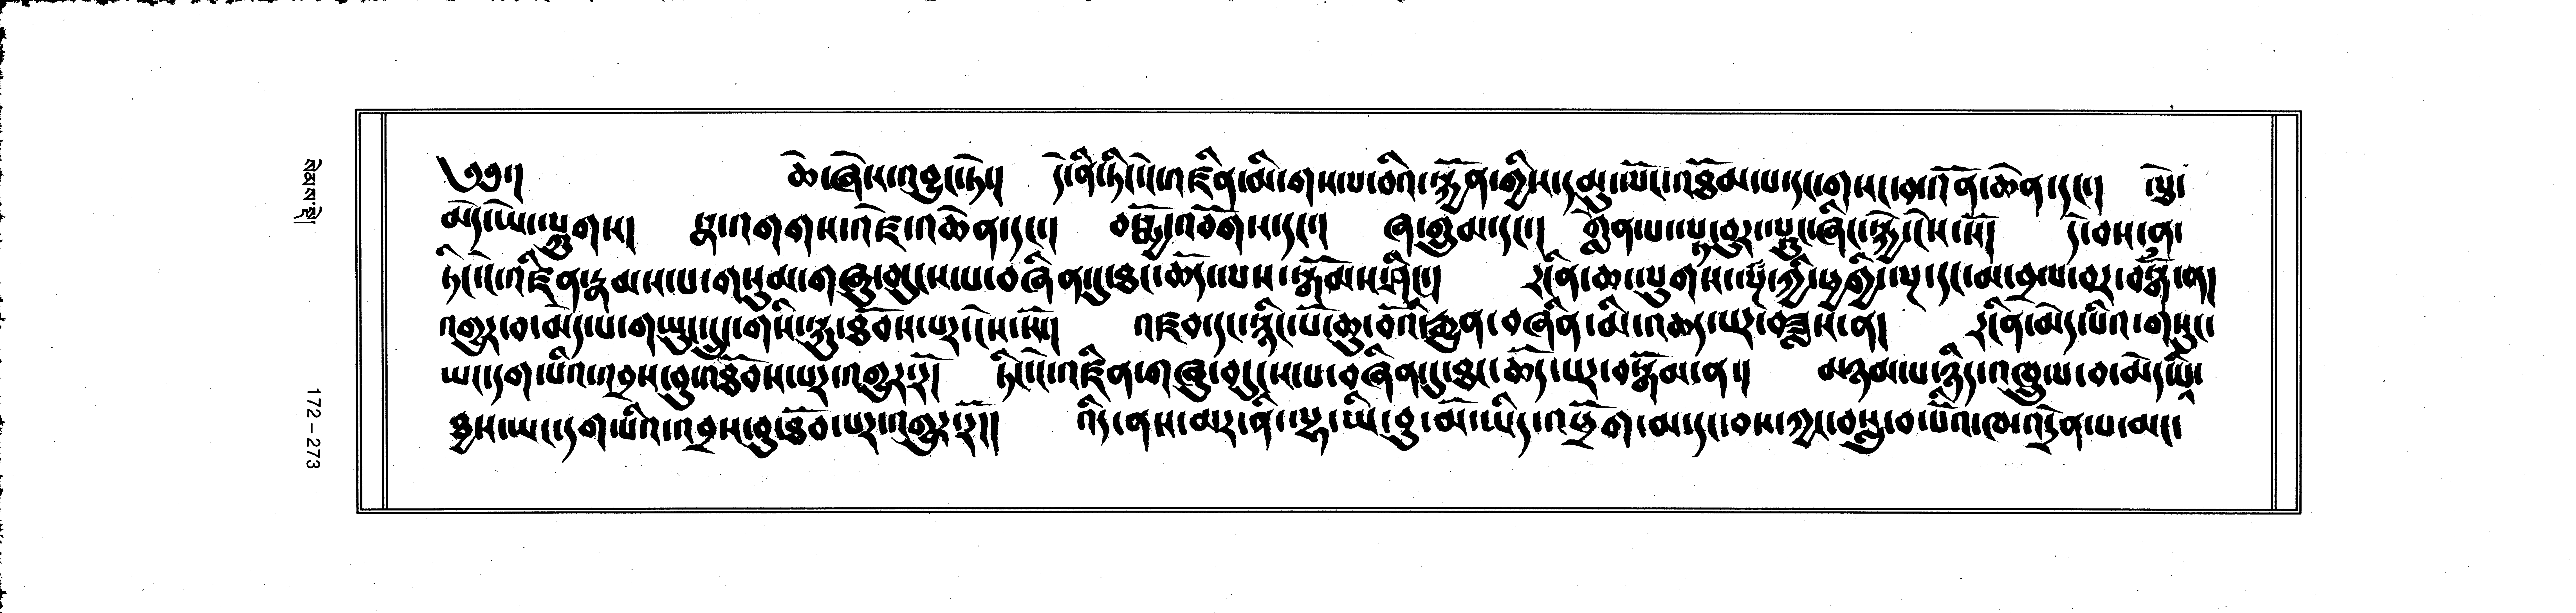ཆེ་ཞེས་འབྱུང་ཏེ། དེ་ནི་ཏིང་ངེ་འཛིན་མི་གསལ་བའི་སྐྱོན་གྱིས་དམུ་ལོང་འཐོམ་པ་དང་གསང་བ་འོན་ཆེན་དང་། ལྕེ་
མེད་ཡེ་ལྐུགས། སྣ་འགགས་འཛེ་འཆེན་དང་། བསྨྱོ་འབོགས་དང་། ཞ་གྲུམ་དང་། གླེན་པ་ལྟ་བུར་ལྟུང་ཞིང་སྐྱེ་ངེས་སྭོ། དེ་བས་ན་
ཏིང་ངེ་འཛིན་རྣམ་པ་གསུམ་གཞུ་བདུང་པ་བཞིན་དུ་ཐང་ཆོད་ལས་སྒོམས་ཤིང་། རང་བཞིན་ཆ་ལུགས་ཀྱི་ཕྱག་རྒྱ་ལྔ་དང་མ་བྲལ་བར་བསྒོམ་ན། 
྄འགྱུར་བ་མེད་པ་གཡུང་དྲུང་གིས་སྐུ་ཐོབས་པར་ངེས་སོ། འཛབ་དང་སྙིང་པོ་ཆུ་བོའི་རྒྱུན་བཞིན་མི་འཆད་པར་བཟླས་ན། རང་བཞིན་མེད་པའི་གསུང་
ཡང་དག་པའི་འབྲས་བུ་འཐོབས་པར་འགྱུར་རོ། ཏིང་ངེ་འཛིན་གཞུ་བདུང་པ་བཞིན་དུ་ཐང་ཆོད་པར་བསྒོམ་ན། མཉམ་པ་ཉིད་འཁྲུལ་བ་མེད་པའི་
ཐུགས་ཡང་དག་པའི་འབྲས་བུ་ཐོབ་པར་འགྱུར་རོ། འདི་ནས་མར་ནི་ལྷ་ཡི་བུ་མོ་ཡིད་འཕྲོག་མ་དང་བས་ཀྱང་བསླུ་བ་པོའི་ཁ་འདྲེན་པ་མང་